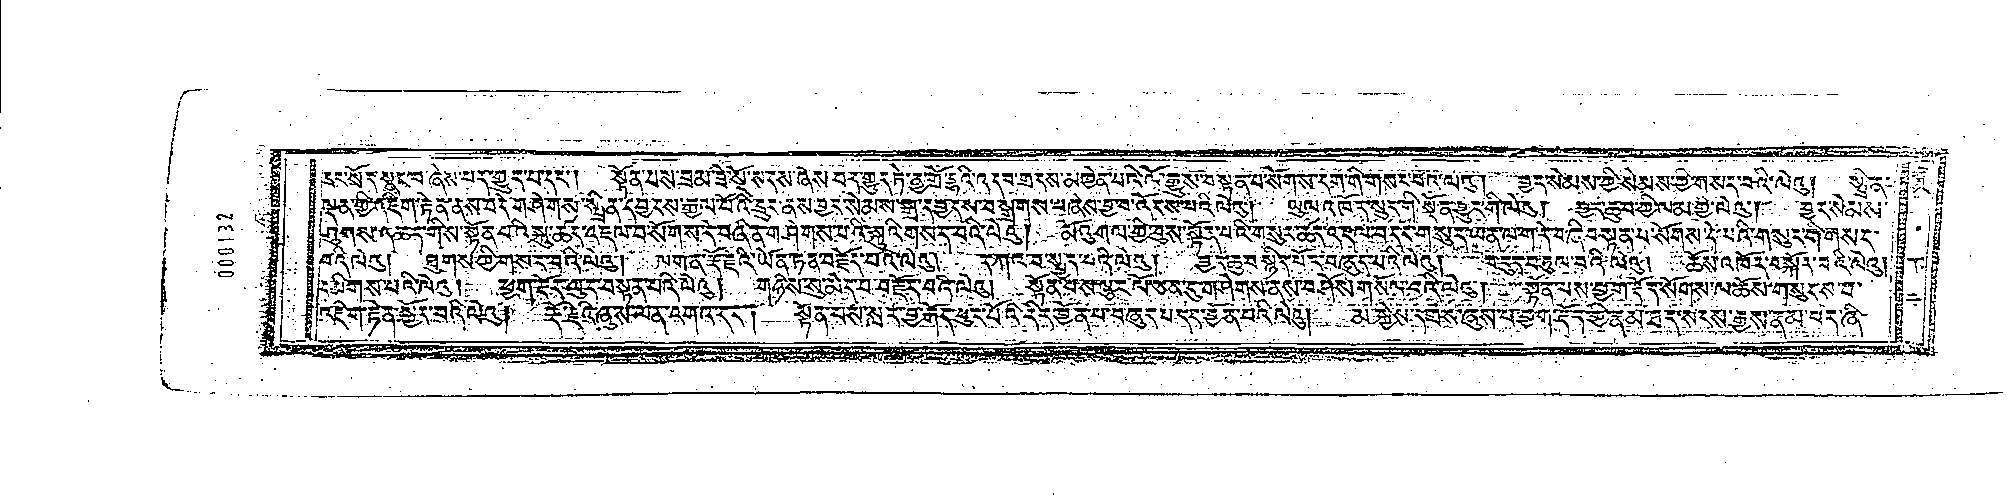དྲང་སྲོང་སྣང་བ་ཞེས་པར་གྱུར་པ་དང་། སྟོན་པས་བྲམ་ཟེ་སྡོ་སངས་ཞེས་བར་གྱུར་ཏེ་ནྱ་གྲོ་དྷའི་འདབ་གྲངས་མཁྱེན་པའི་ལོ་རྒྱུས་བསྟན་པ་སོགས་དག་གི་གསང་བའི་ལེའུ། བྱང་སེམས་ཀྱི་སེམས་ཀྱི་གསང་བའི་ལེའུ། སྤྲིན་
ལྡན་གྱི་འཇིག་རྟེན་ནས་བདེ་གཤེགས་སྤྲིན་དབྱངས་རྒྱལ་པོའི་དྲུང་ནས་བྱང་སེམས་སྒྲ་དབྱངས་བསྒྲགས་པ་ཞེས་བྱ་བ་འོངས་པའི་ལེའུ། ཡུལ་འཁོར་སྲུང་གི་སྔོན་བྱུང་གི་ལེའུ། བྱང་ཆུབ་ཀྱི་ལམ་གྱི་ལེའུ། བྱང་སེམས་
ཤུགས་འཆད་གིས་སྟོན་པའི་སྐུ་ཚད་འཇལ་བ་སོགས་དེ་བཞིན་གཤེགས་པའི་སྐུའི་གསང་བའི་ལེའུ། མོའུ་གལ་གྱི་བུས་སྟོན་པའི་གསུང་ཚད་འཇལ་བ་དང་གསུང་ཡན་ལག་རེ་བཞི་བསྟན་པ་སོགས་དེ་བའི་གསུང་གི་གསང་
བའི་ལེའུ། ཐུགས་ཀྱི་གསང་བའི་ལེའུ། ལག་ན་རྡོ་རྗེའི་ཡོན་ཏན་བརྗོད་པའི་ལེའུ། དཀའ་བ་སྤྱད་པའི་ལེའུ། བྱང་ཆུབ་སྙིང་པོར་བཞུད་པའི་ལེའུ། བདུད་བཏུལ་བའི་ལེའུ། ཆོས་འཁོར་བསྐོར་བའི་ལེའུ།
དམིགས་པའི་ལེའུ། ཕྱག་རྡོར་ལུང་བསྟན་པའི་ལེའུ། གཉིས་སུ་མེད་པ་བརྗོད་པའི་ལེའུ། སྟོན་པས་ལྕང་ལོ་ཅན་དུ་གཤེགས་ནས་བཤོས་གསོལ་བའི་ལེའུ། སྟོན་པས་ཕྱག་རྡོར་སོགས་ལ་ཆོས་གསུངས་པ་
འཇིག་རྟེན་སྐྱོང་བའི་ལེའུ། རྡོ་རྗེའི་ཞུས་ལན་འགའ་དང་། སྟོན་པས་སླར་བྱ་རྒོད་ཕུང་པོའི་རིར་བྱོན་པ་བཞུད་པ་དང་བྱོན་པའི་ལེའུ། མ་སྐྱེས་དགྲ་ཞུས་པ་ཕྱག་རྡོར་གྱི་རྣམ་ཐར་སངས་རྒྱས་རྣམ་པར་ཞི་